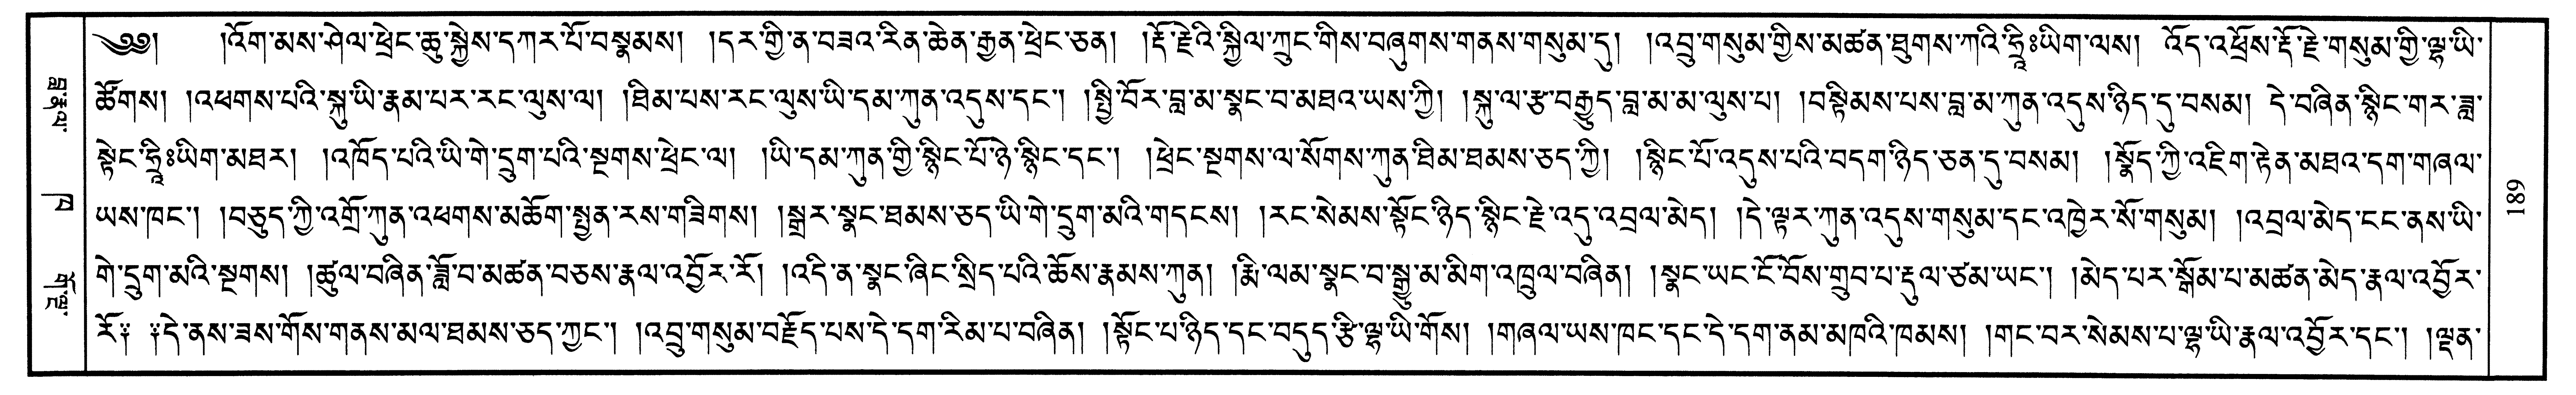༄༅། །འོག་མས་ཤེལ་ཕྲེང་ཆུ་སྐྱེས་དཀར་པོ་བསྣམས། །དར་གྱི་ན་བཟའ་རིན་ཆེན་རྒྱན་ཕྲེང་ཅན། །རྡོ་རྗེའི་སྐྱིལ་ཀྲུང་གིས་བཞུགས་གནས་གསུམ་དུ། །འབྲུ་གསུམ་གྱིས་མཚན་ཐུགས་ཀའི་ཧྲཱིཿ ཡིག་ལས། འོད་འཕྲོས་རྡོ་རྗེ་གསུམ་གྱི་ལྷ་ཡི་
ཚོགས། །འཕགས་པའི་སྐུ་ཡི་རྣམ་པར་རང་ལུས་ལ། །ཐིམ་པས་རང་ལུས་ཡི་དམ་ཀུན་འདུས་དང་། །སྤྱི་བོར་བླ་མ་སྣང་བ་མཐའ་ཡས་ཀྱི། །སྐུ་ལ་རྩ་བརྒྱུད་བླ་མ་མ་ལུས་པ། །བསྟིམས་པས་བླ་མ་ཀུན་འདུས་ཉིད་དུ་བསམ། དེ་བཞིན་སྙིང་གར་ཟླ་
སྟེང་ཧྲཱིཿ ཡིག་མཐར། །འཁོད་པའི་ཡི་གེ་དྲུག་པའི་སྔགས་ཕྲེང་ལ། །ཡི་དམ་ཀུན་གྱི་སྙིང་པོ་ཉེ་སྙིང་དང་། །ཕྲེང་སྔགས་ལ་སོགས་ཀུན་ཐིམ་ཐམས་ཅད་ཀྱི། །སྙིང་པོ་འདུས་པའི་བདག་ཉིད་ཅན་དུ་བསམ། །སྣོད་ཀྱི་འཇིག་རྟེན་མཐའ་དག་གཞལ་
ཡས་ཁང་། །བཅུད་ཀྱི་འགྲོ་ཀུན་འཕགས་མཆོག་སྤྱན་རས་གཟིགས། །སྒྲར་སྣང་ཐམས་ཅད་ཡི་གེ་དྲུག་མའི་གདངས། །རང་སེམས་སྟོང་ཉིད་སྙིང་རྗེ་འདུ་འབྲལ་མེད། །དེ་ལྟར་ཀུན་འདུས་གསུམ་དང་འཁྱེར་སོ་གསུམ། །འབྲལ་མེད་ངང་ནས་ཡི་
གེ་དྲུག་མའི་སྔགས། །ཚུལ་བཞིན་ཟློ་བ་མཚན་བཅས་རྣལ་འབྱོར་རོ། །འདི་ན་སྣང་ཞིང་སྲིད་པའི་ཆོས་རྣམས་ཀུན། །རྨི་ལམ་སྣང་བ་སྒྱུ་མ་མིག་འཁྲུལ་བཞིན། །སྣང་ཡང་ངོ་བོས་གྲུབ་པ་རྡུལ་ཙམ་ཡང་། །མེད་པར་སྒོམ་པ་མཚན་མེད་རྣལ་འབྱོར་
རོ། །དེ་ནས་ཟས་གོས་གནས་མལ་ཐམས་ཅད་ཀྱང་། །འབྲུ་གསུམ་བརྗོད་པས་དེ་དག་རིམ་པ་བཞིན། །སྟོང་པ་ཉིད་དང་བདུད་རྩི་ལྷ་ཡི་གོས། །གཞལ་ཡས་ཁང་དང་དེ་དག་ནམ་མཁའི་ཁམས། །གང་བར་སེམས་པ་ལྷ་ཡི་རྣལ་འབྱོར་དང་། །ལྡན་